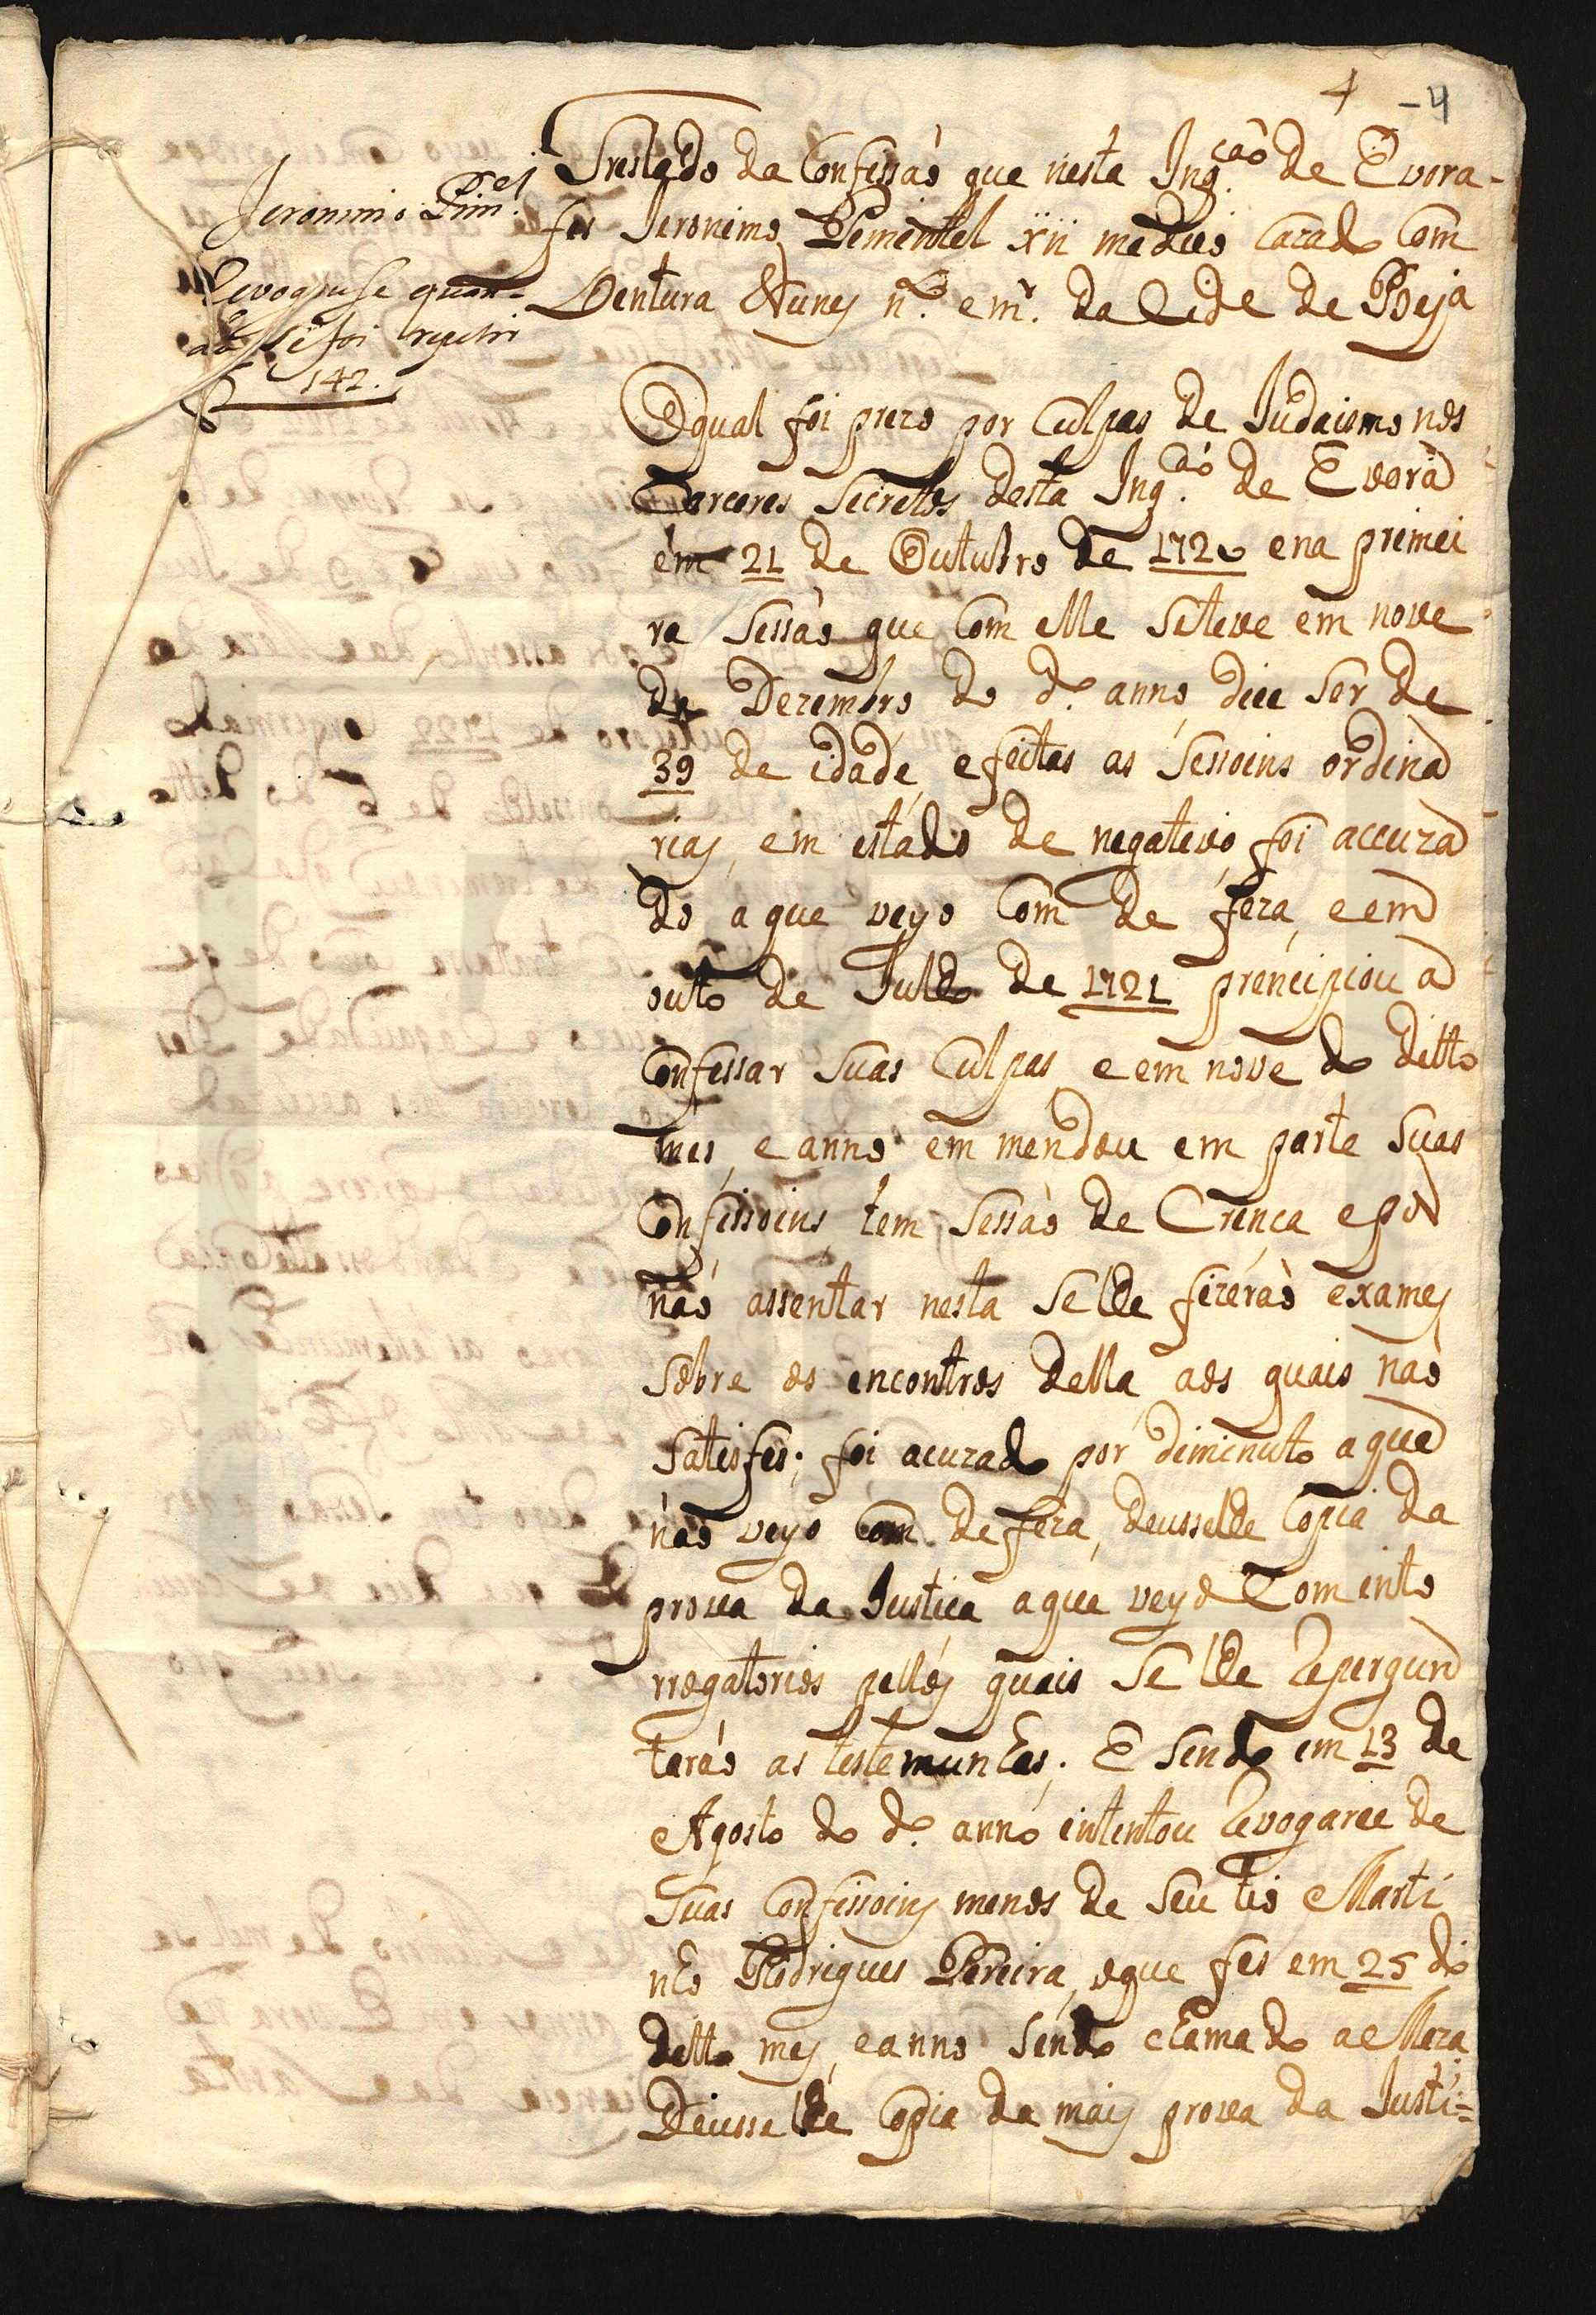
Treslado da Confissaõ que nesta Inq.cão de Evora
fes Jeronimo Pementel xn medico Cazado Com
Ventura Nunes n.l e m.r da Cide de Beja
O qual foi prezo por Culpas de Judaismo nos
Carceres Secretos desta Inq.caõ de Evora
em 21 de Outubro de 1720 e na primei
ra Sessão que Com elle se teve em nove
de Dezembro do d.o anno dice ser de
39 de idade e feitas as sessoins ordina
rias, em estado de negativo foi accuza
do a que veyo Com defeza, e em
outo de Julho de 1721 prencipiou a
confessar suas Culpas e em nove do ditto
mes, e anno emmendou em parte suas
Confissoins tem Sessaõ de Crença e por
naõ assentar nesta Se lhe fizeraõ exames
Sobre os encontros della aos quais naõ
Satisfes; foi acuzado por diminuto a que
nao veyo Com defeza, deus se lhe Copia da
prova da Justiça a que veyo Com into
rrogatorios pellos quais Se lhe Repergun
tarão as testemunhas; E Sendo em 13 de
Agosto do d.o anno intentou Revogaree de
Suas Confissoins menos de seu tio Marti
nho Rodrigues Pereira, o que fes em 25 do
sitto mes, e anno sendo chamado a Meza;
Deus se lhe Copia da mais prova da Justi
